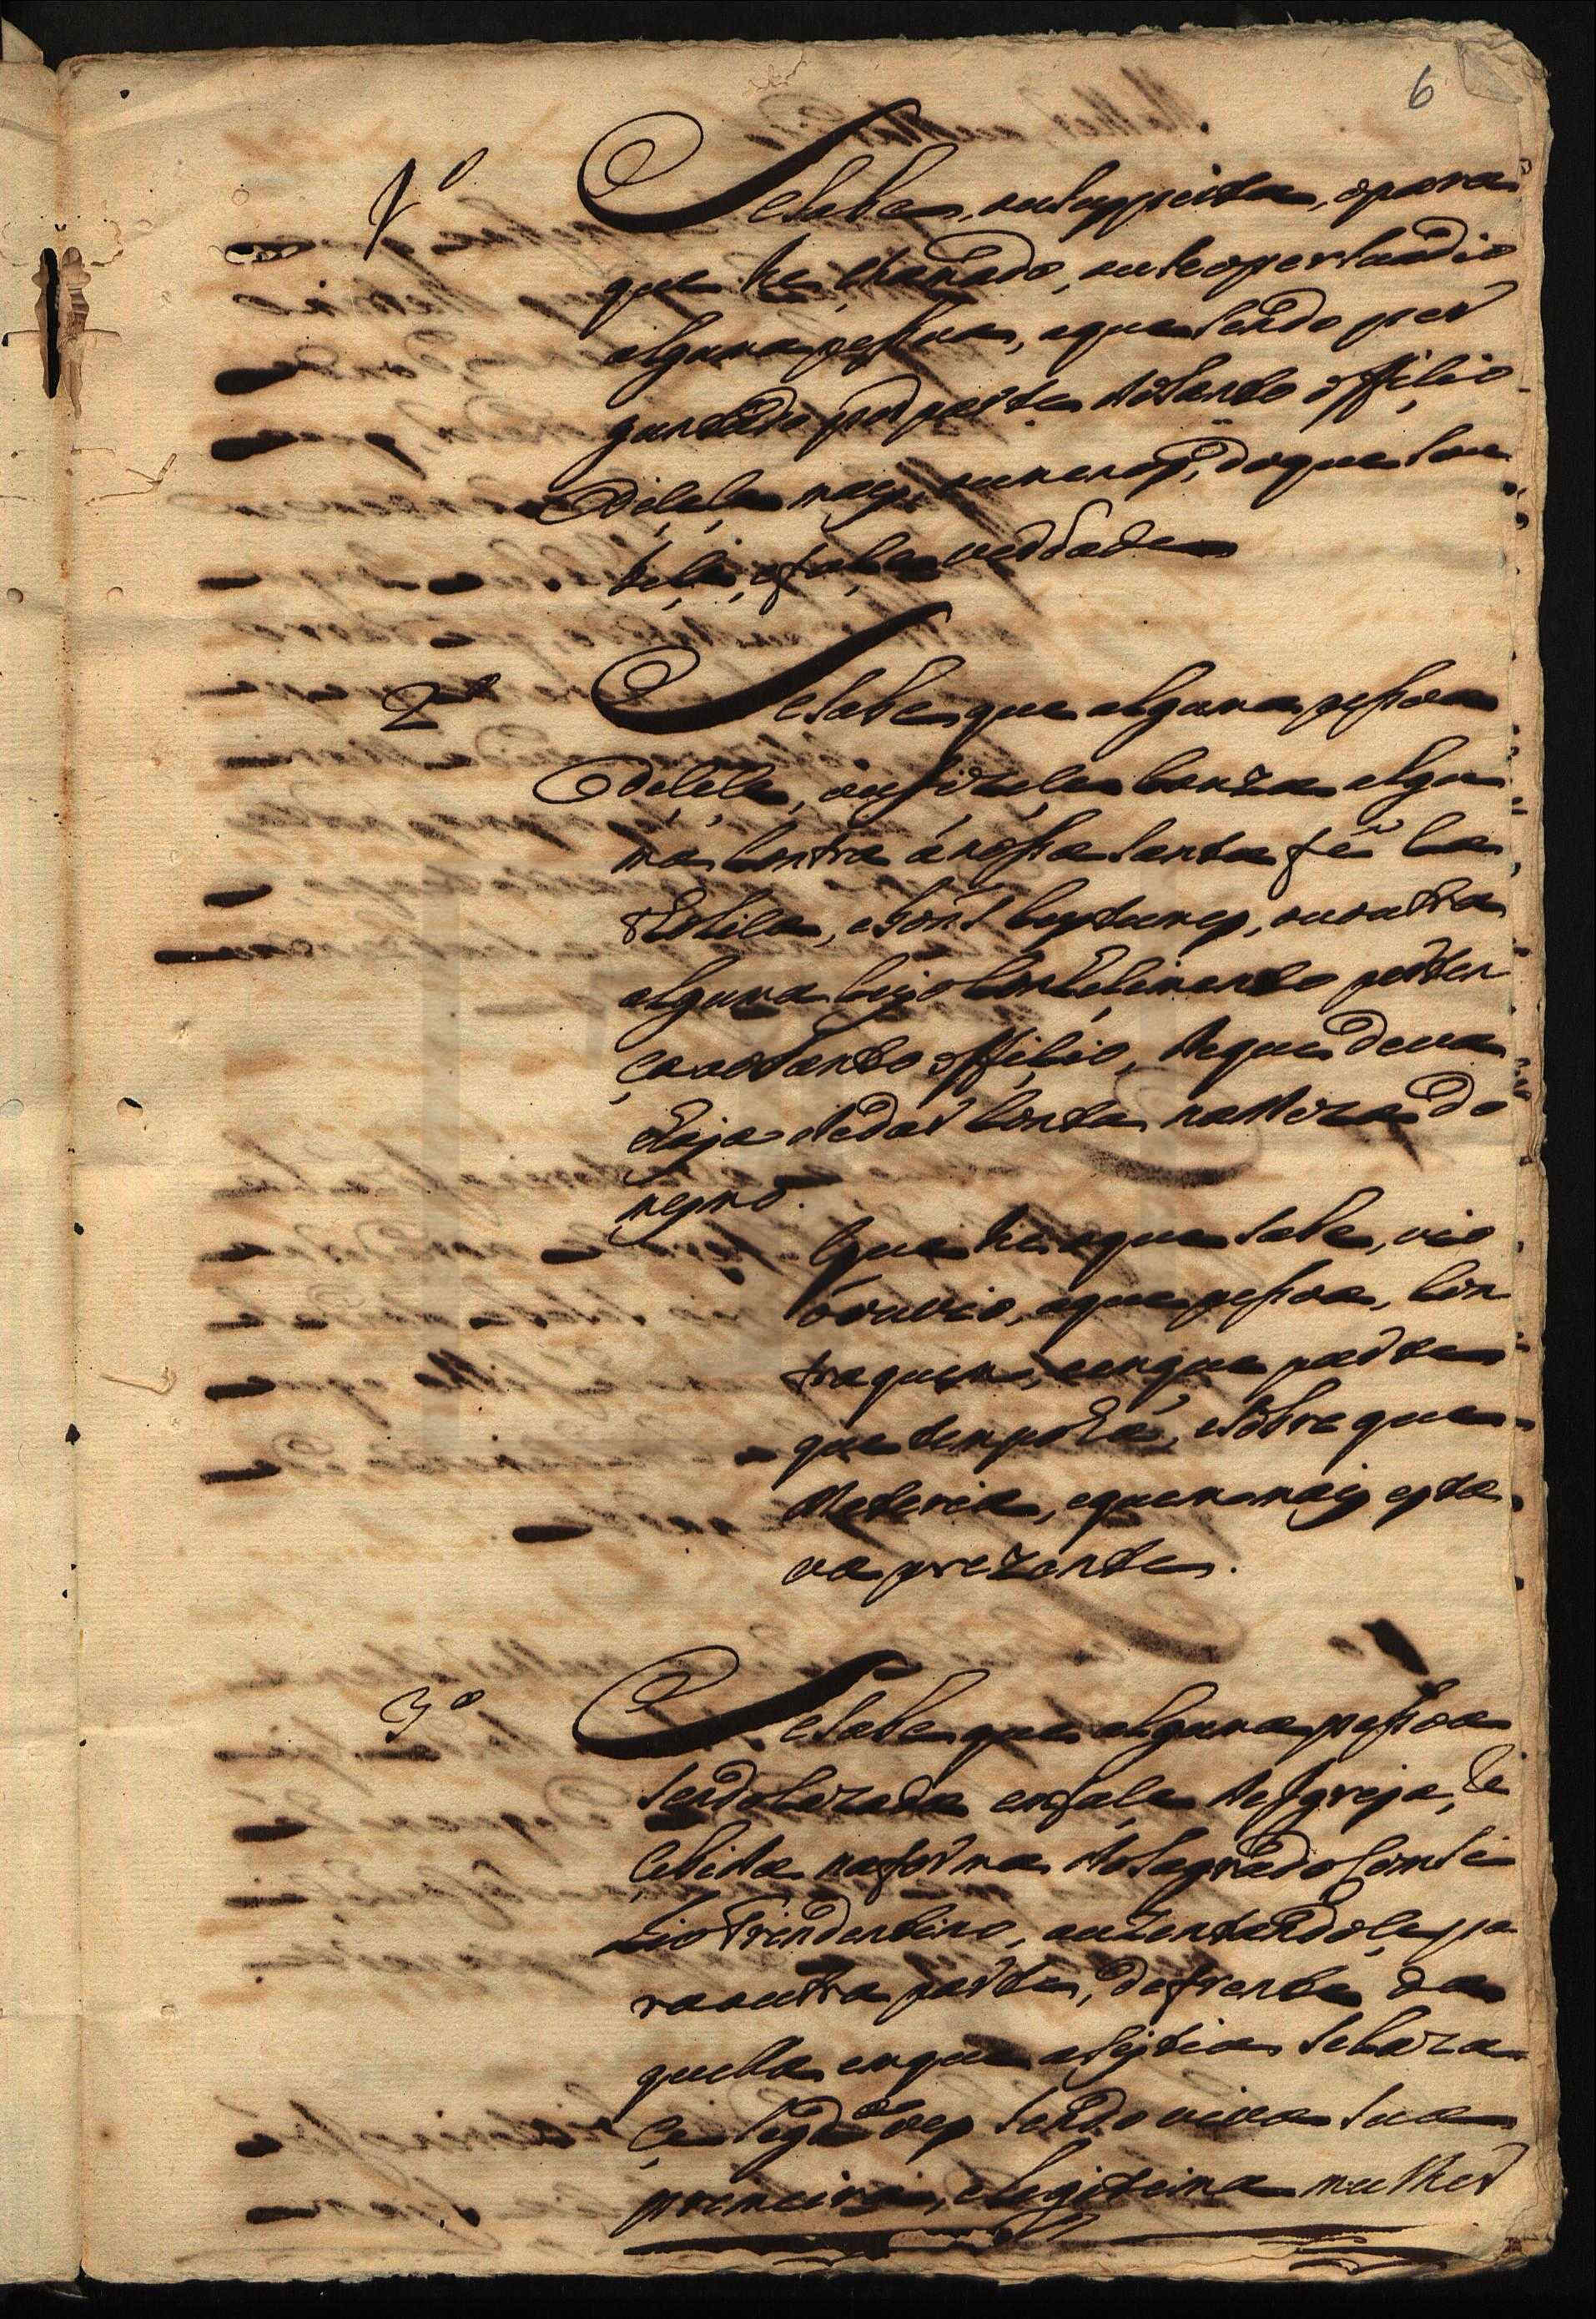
1o
2o
3o
Se sabe, ou suspeita, o para
que he çhamado, ou se o persuadio
alguma pessoa, a que sendo per
guntado por parte do Santo offiçio
diçeçe maes, ou menos, do que sou
beçe, e foçe verdade
Se sabe que alguma pessoa
diçeçe, ou fizeçe Couza algu
ma Contra á nossa santa fé Ca
tholica, e boñs Custumes, ou outra
alguma Cujo Conheçimento perten
ça ao Santo offiÇio, de que deua
e haja de dar Conta na Meza do
mesmo.
Que he o que sabe, vio
ou ouvio, a que pessoa, Con
tra quem, e em que parte
que tempo há, e sobre que
Materia, e quem mais esta
va prezente.
Se sabe que alguma pessoa
sendo Cazada em façe de Igreja, Re
çebida na forma do Sagrado Comse
Lio Tridentino, auzentandoçe pa
ra outra parte, de frente da
quella em que asistia se Caza
çe segda ves sendo vivo sua
premeira, e Legitima mulher
